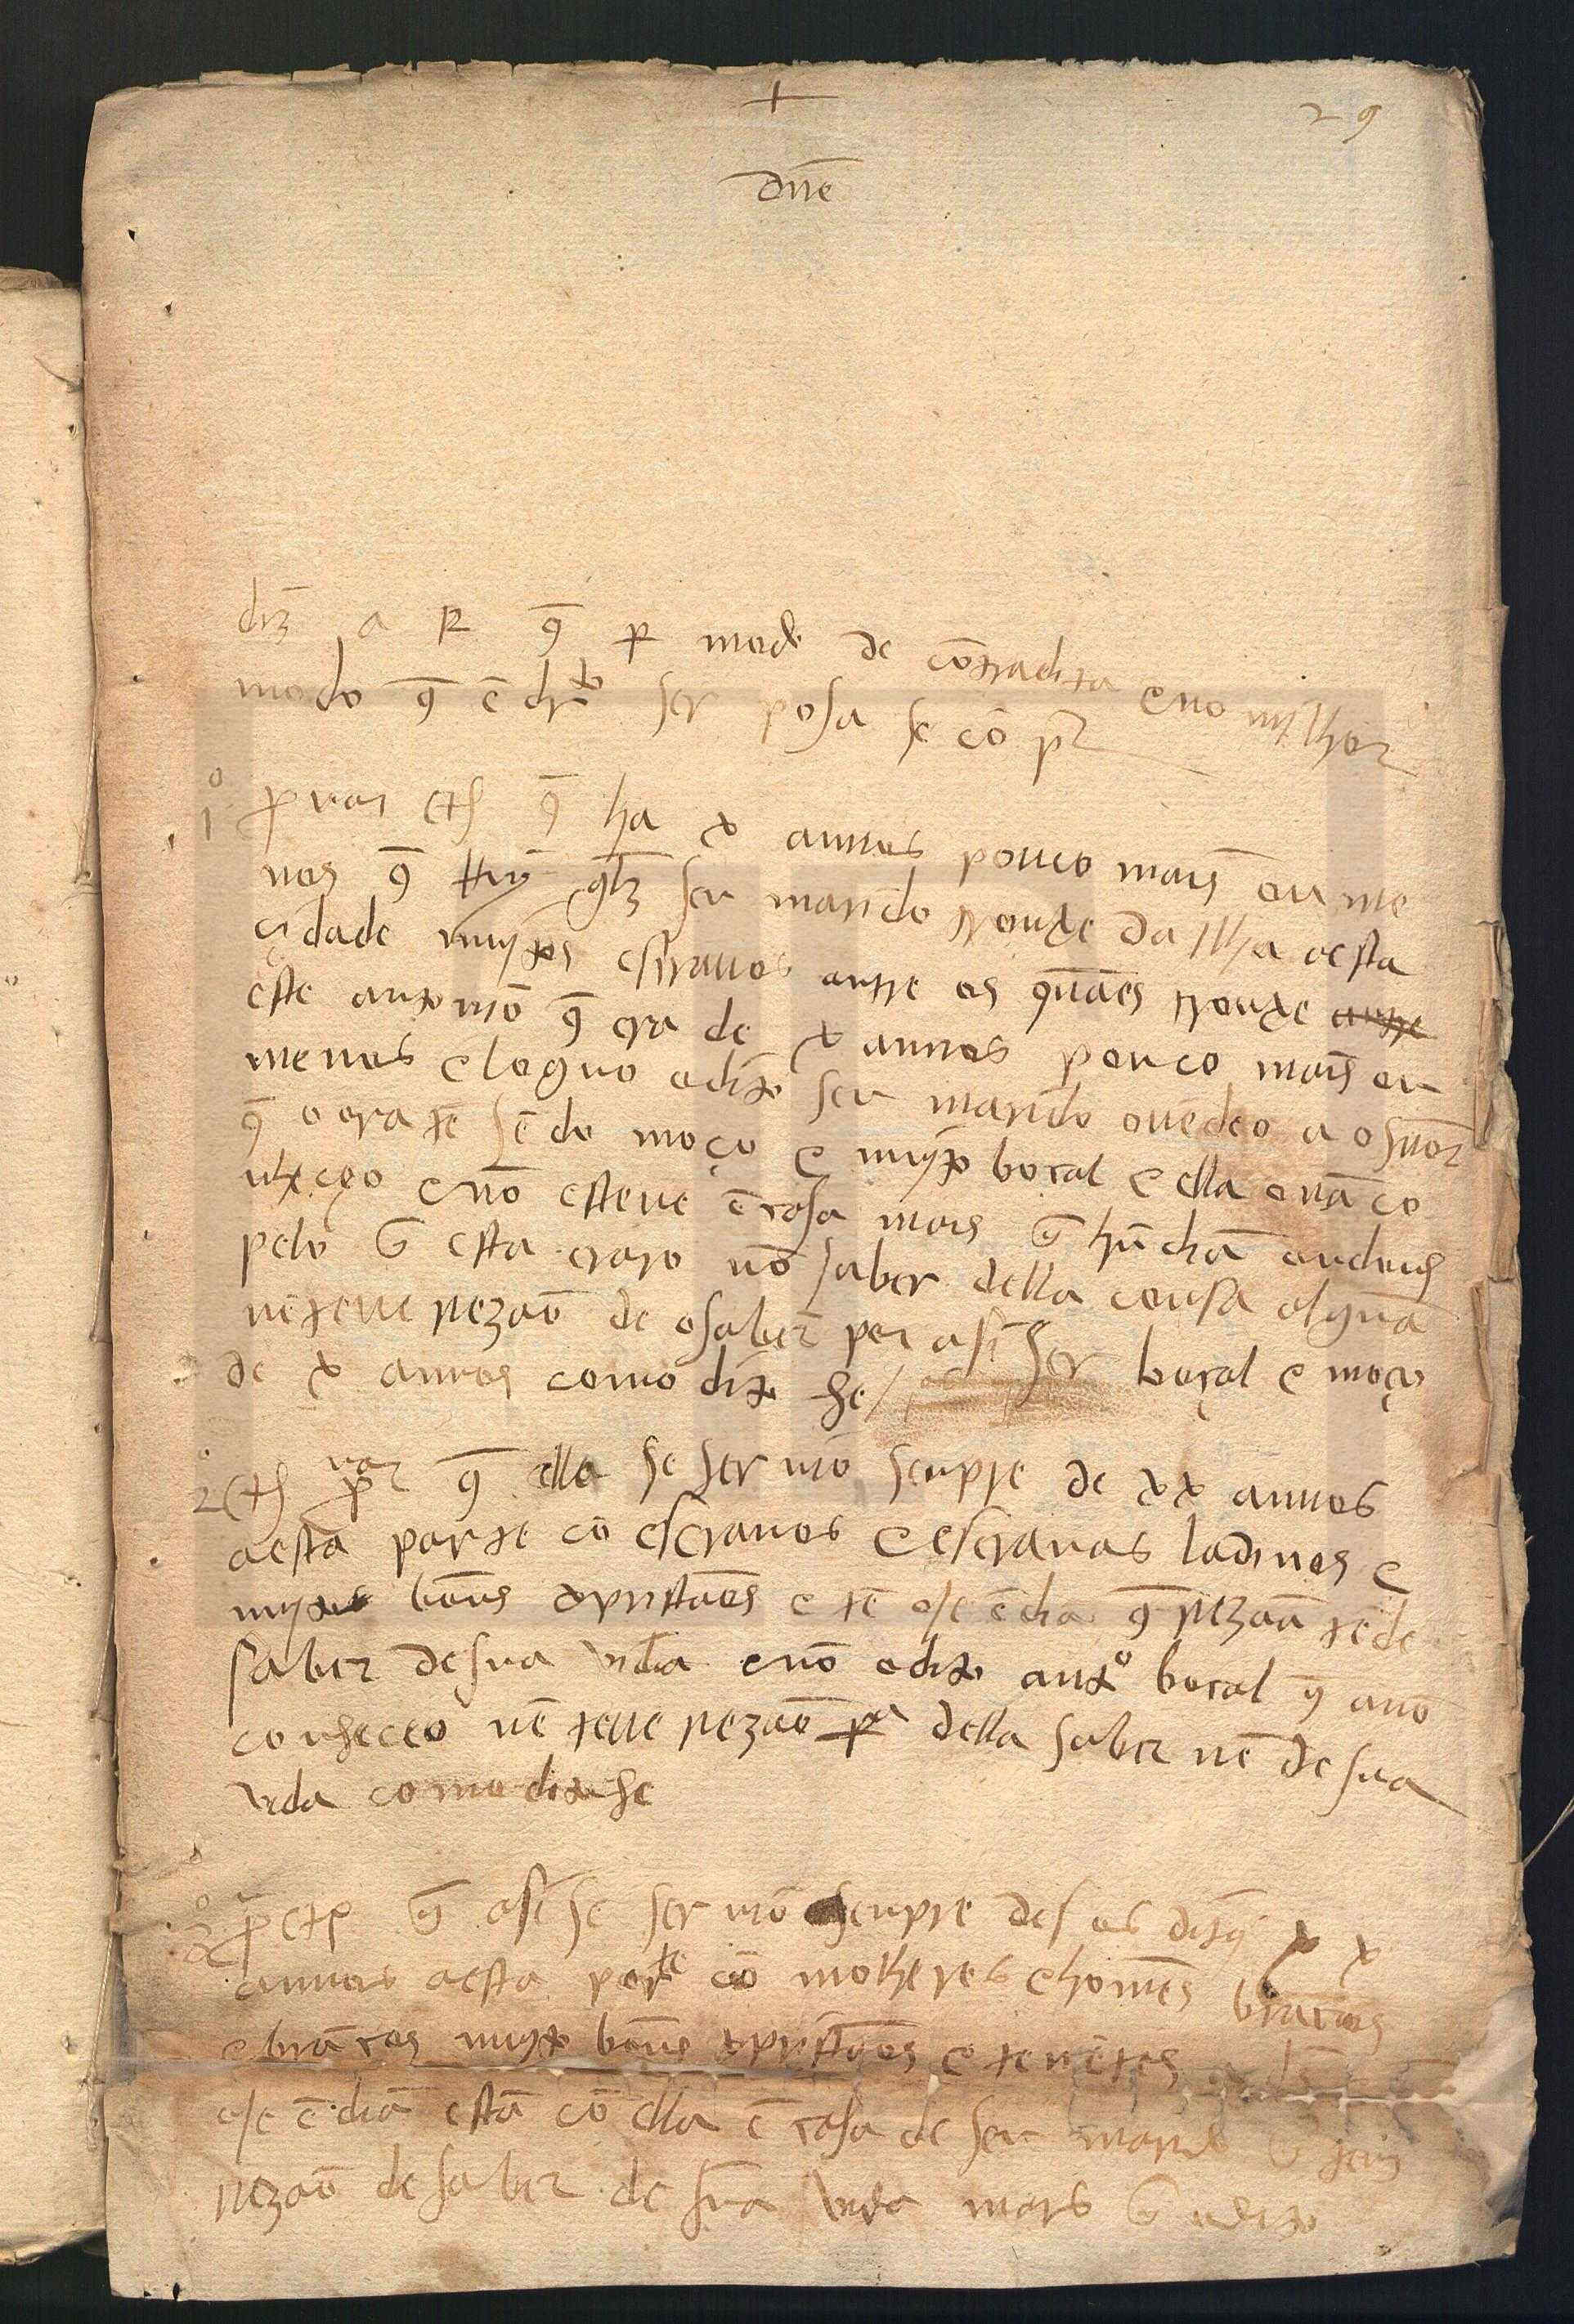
29
dnē
diz a R q̄ ꝑ modo de cōtradita e no mjlhor
modo q̄ ē drto ser posa se cōpr
1o ꝓuar etꝭ q̄ ha x annos pouco mais ou me
nos q̄ Ruy ḡlz seu marido trouxe da Ilha a esta
çidade mujtos escrauos antre os qūaes trouxe antre
este antonio q̄ era de x annos pouco mais ou
menos e loguo o dito seu marido o uēdeo ao snōr
q̄ o ora tē sēdo moço e mujto bocal e ella o nā co
nheçeo e nō esteue ē casa mais q̄ hū dia ou dous
pelo q̄ esta craro nō saber della cousa algūa
nē tem rrezaõ de o saber̄ por asi ser boçal e moço
de x annos como dito he /
2o etꝭ ꝓuar q̄ ella se seruio senpre de xx annos
a esta parte cō escrauos e escrauas ladinos e
mujtos bōns xpristãos e tē oJe ē dia q̄ rrezaā tē de
saber de sua vida e nō o dito anto bocal q̄ a nō
conheceo nē teue rrezão ꝑa della saber nē de sua
vida como dito he
3o ꝓ̄ etꝭ q̄ asi se seruio senpre des os ditos xx
annos a esta parte cō molheres e homēs bracas
e brācos mujto bōns xpristãos e temētes a ds̄
oJe ē dia estā cō ella ē casa de seu marido q̄ tem
rrezaõ de saber de sua vida mais q̄ o dito
